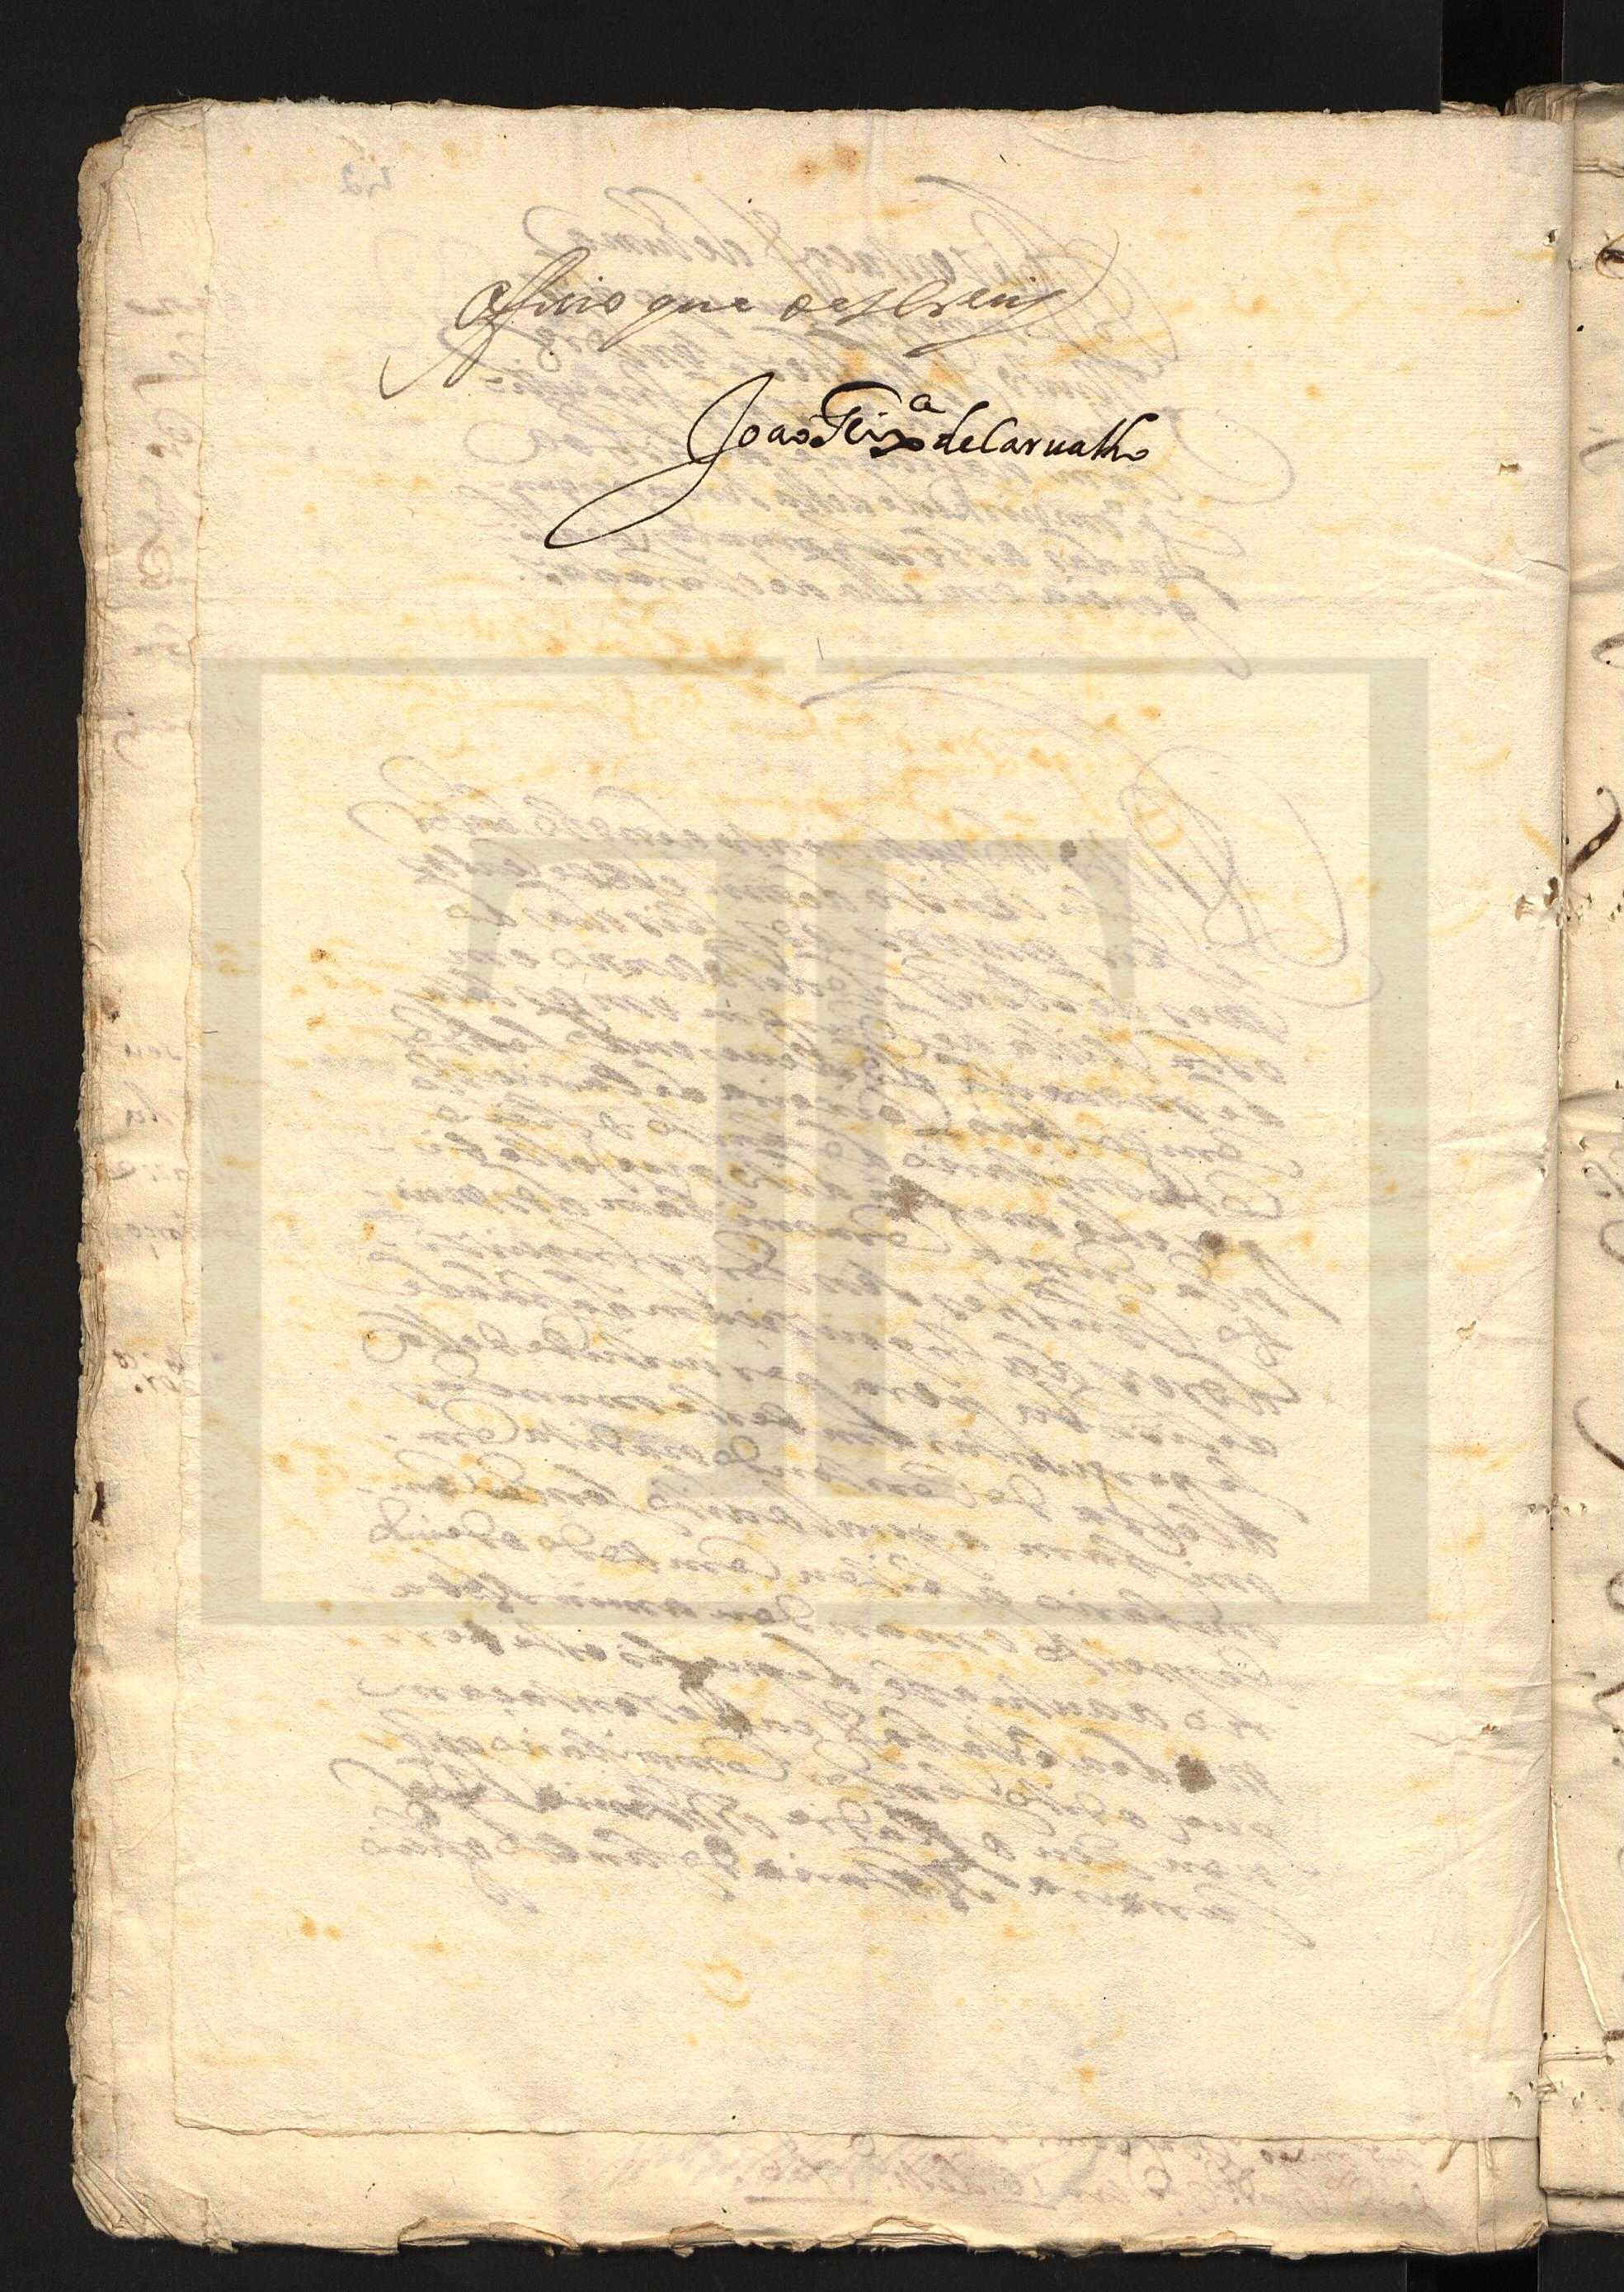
Officio que o escreuj
Joaõ Teix.a de Carualho
